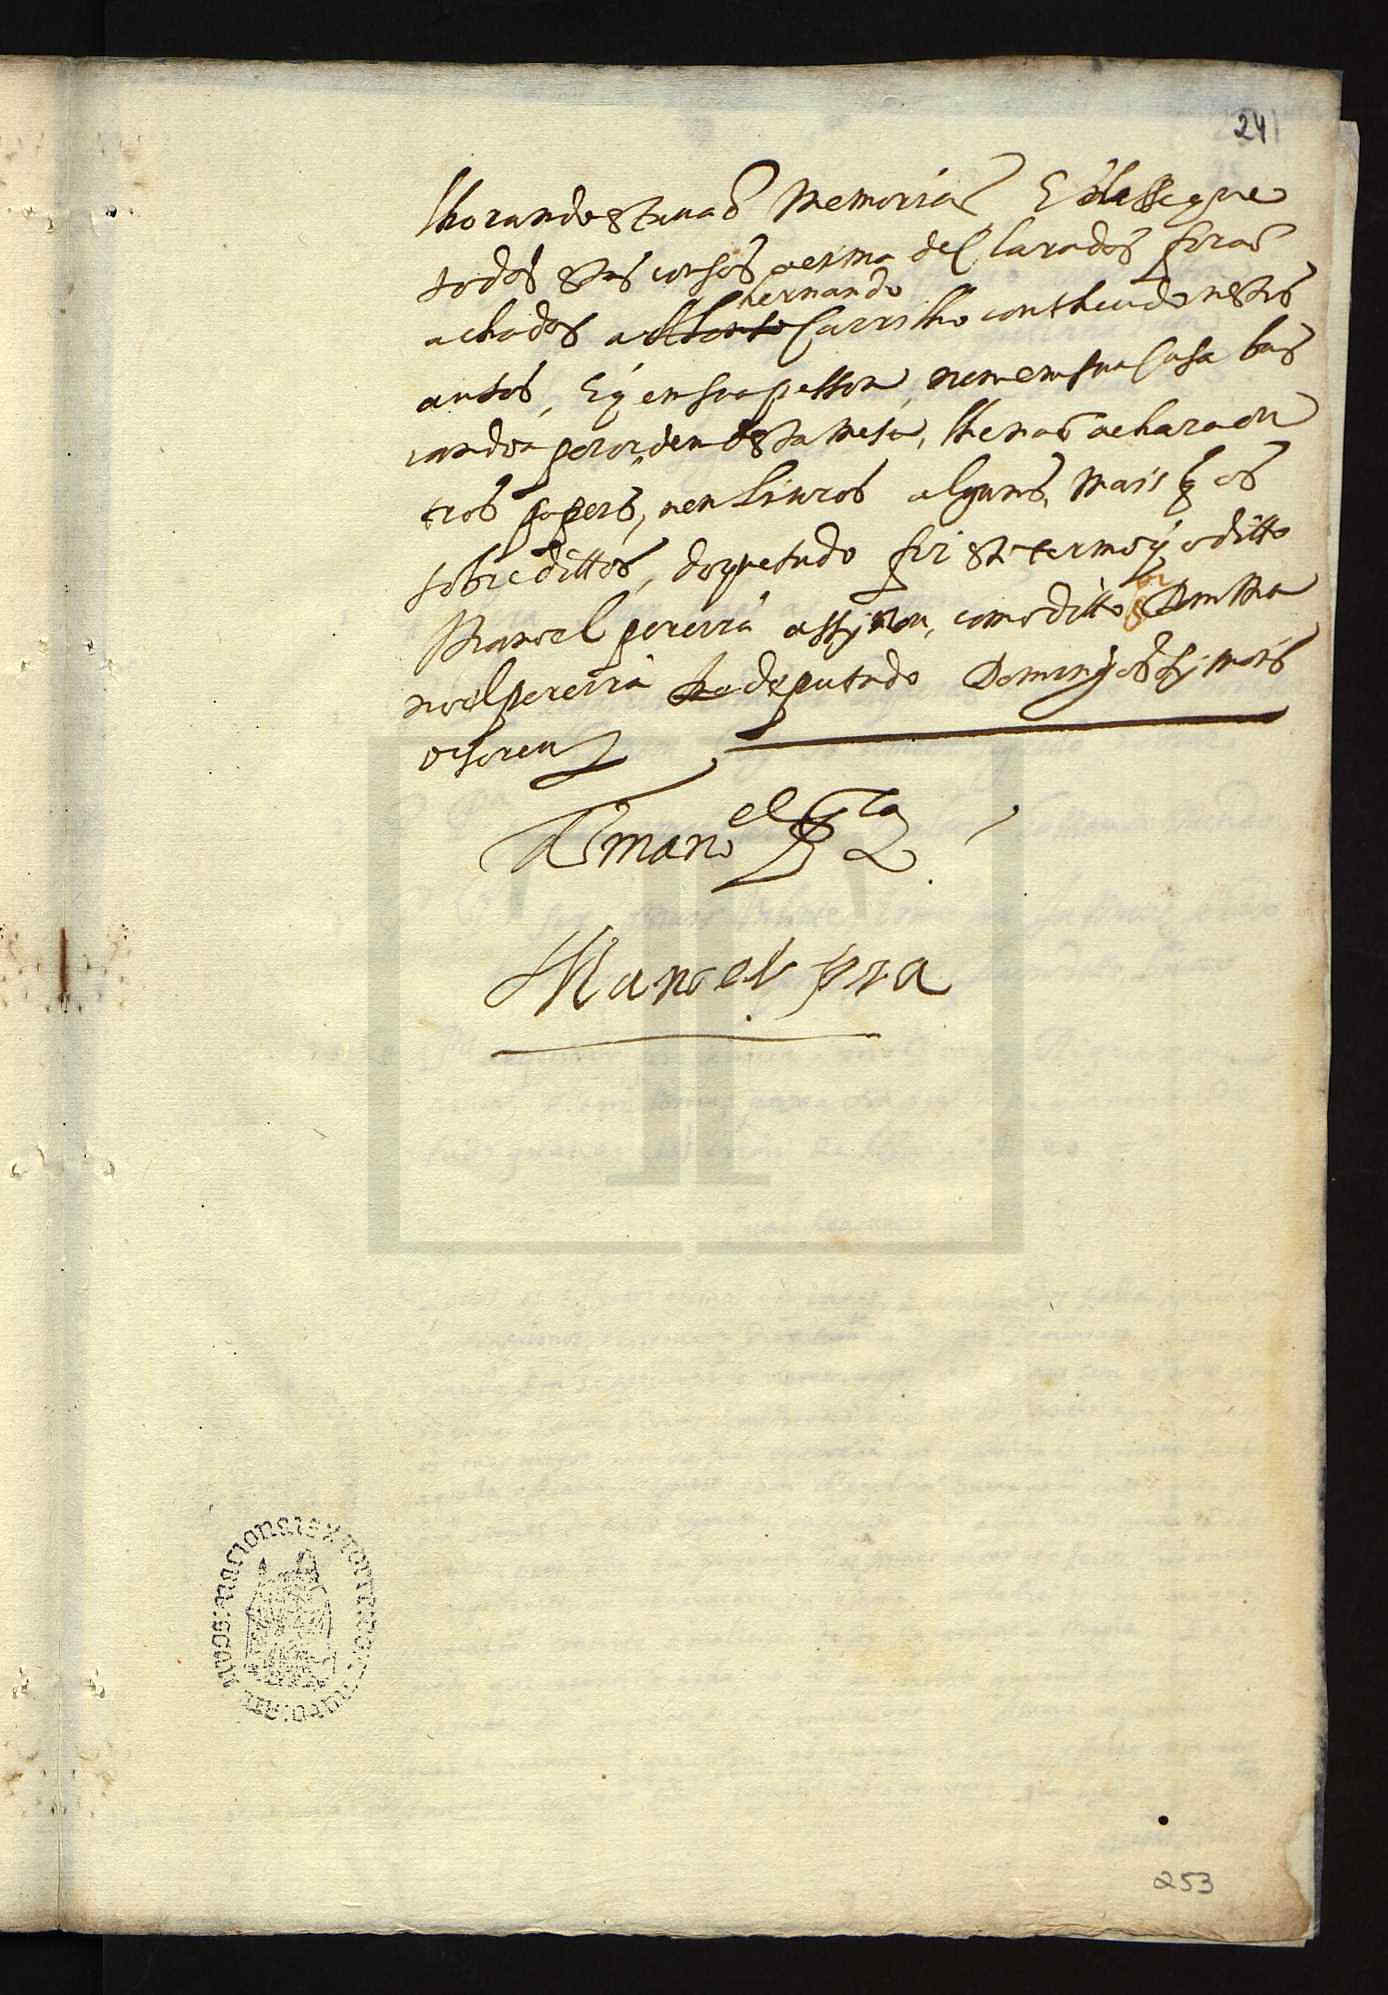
lhorando estauaõ memorias E disse que
todas estas cousas acima deClaradas foraõ
achadas a Alonso
hernando
Carrilho contheudo nestes
autos, E q̄ em sua pessoa, nem em sua Casa bus
candoa por ordem desta mesa, lhe naõ achara ou
tros papeis, nem liuros alguns mais q̄ os
sobredittos, do que tudo fiz este termo q̄ o ditto
Manoel pereira assynou com o ditto sor Dom Ma
noel pereira Do deputado Domingos symois
o escreuj
dō manoel pra
Manoel pra
